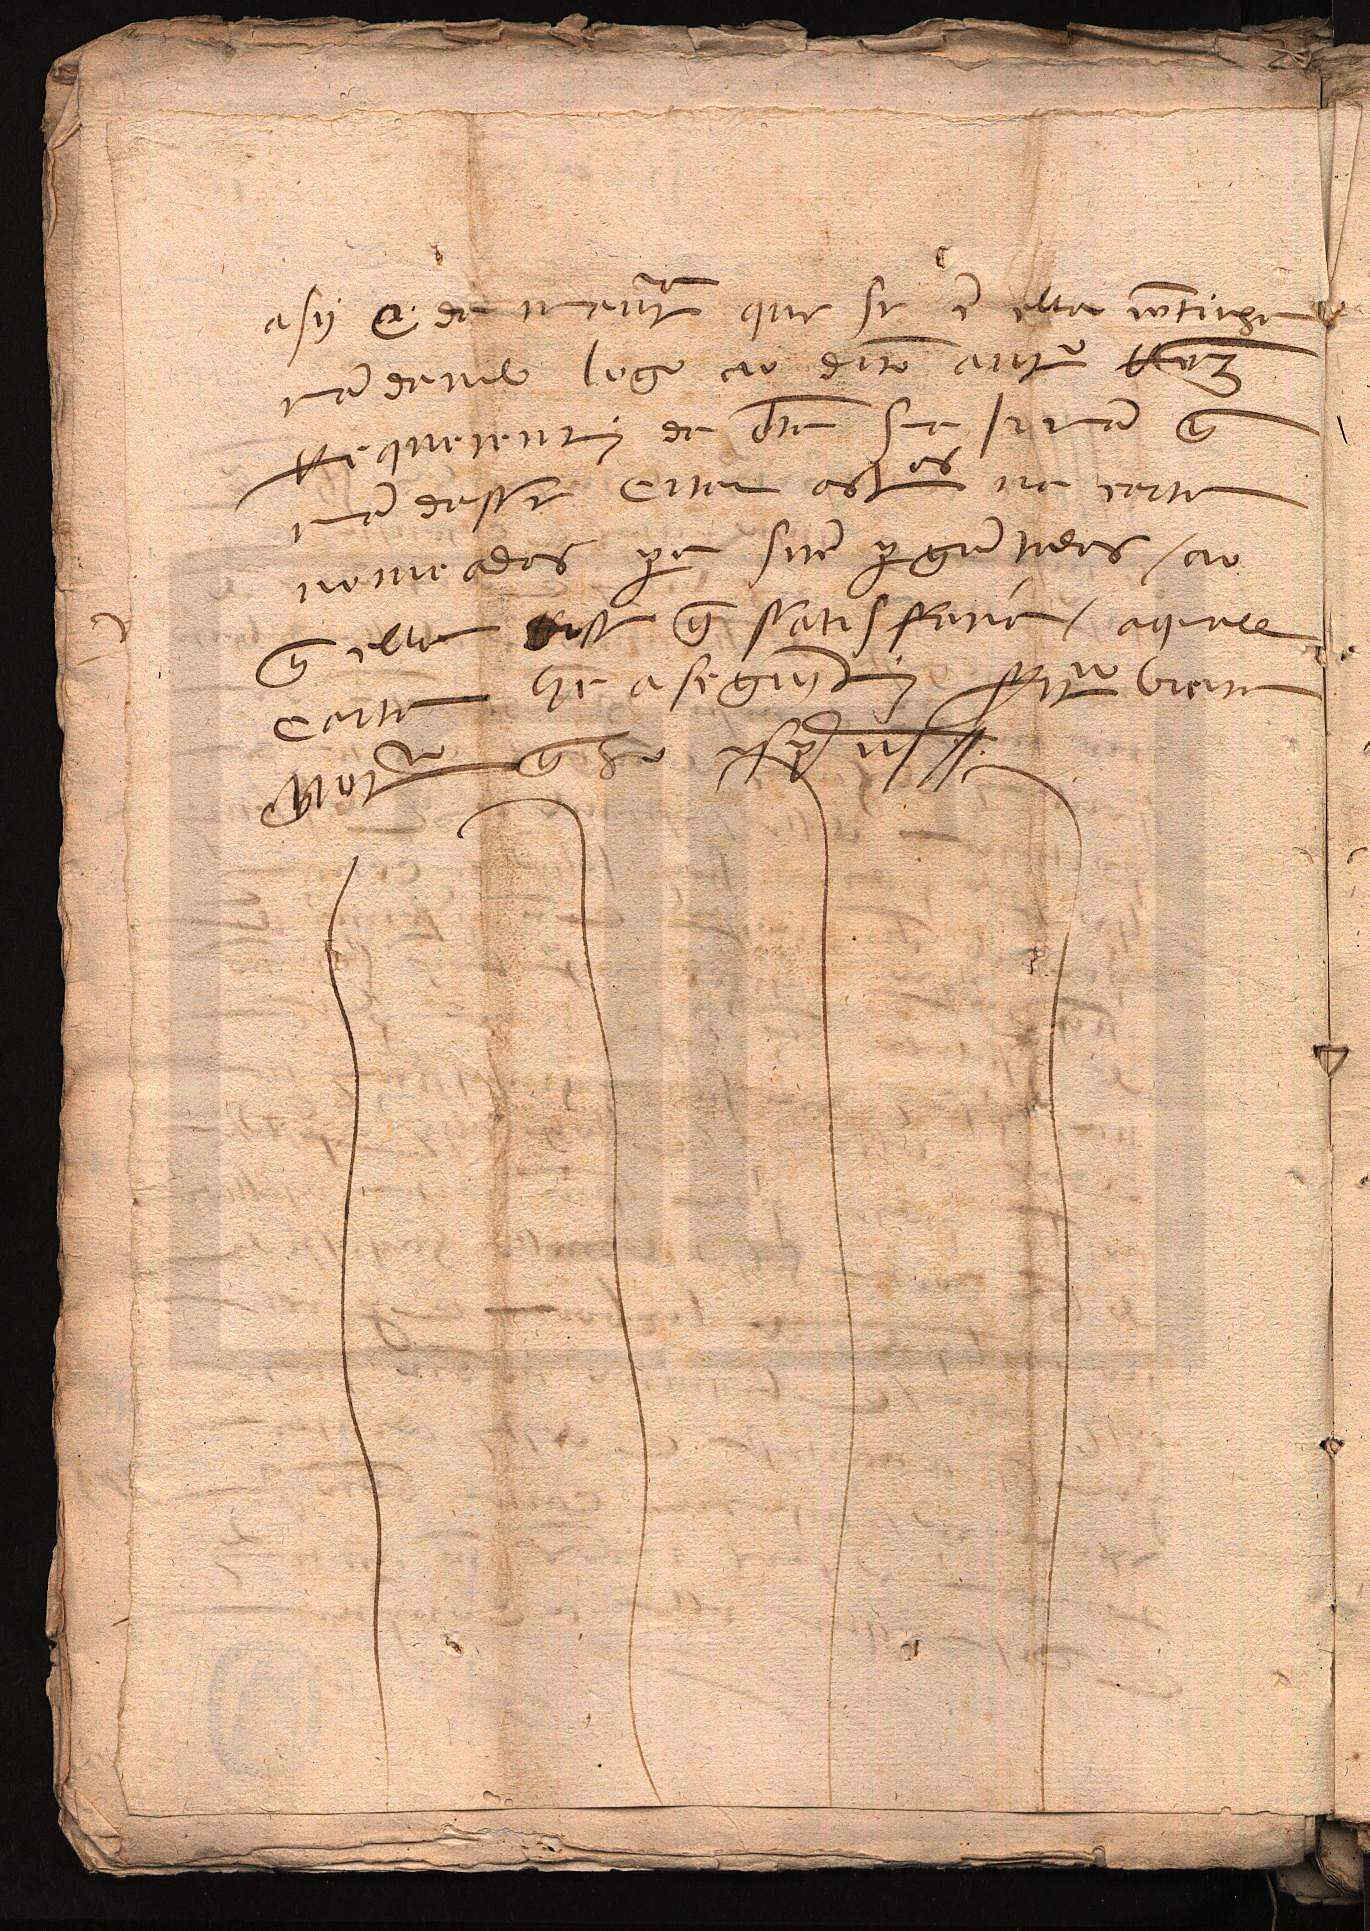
asy e da manrra que se ē ella c̄otinha
mādando logo ao dito anto Rōiz
Requerente da d̄ta sua Jrmā q̄
mādasse citar as tas na carta
nomeadas ꝑa serē ꝑgūtadas / ao
q̄ elle _ise q̄ satisfaria / a quall
carta he a segūjte frrco vieira
notro q̄ ho esp̄uj .//.
